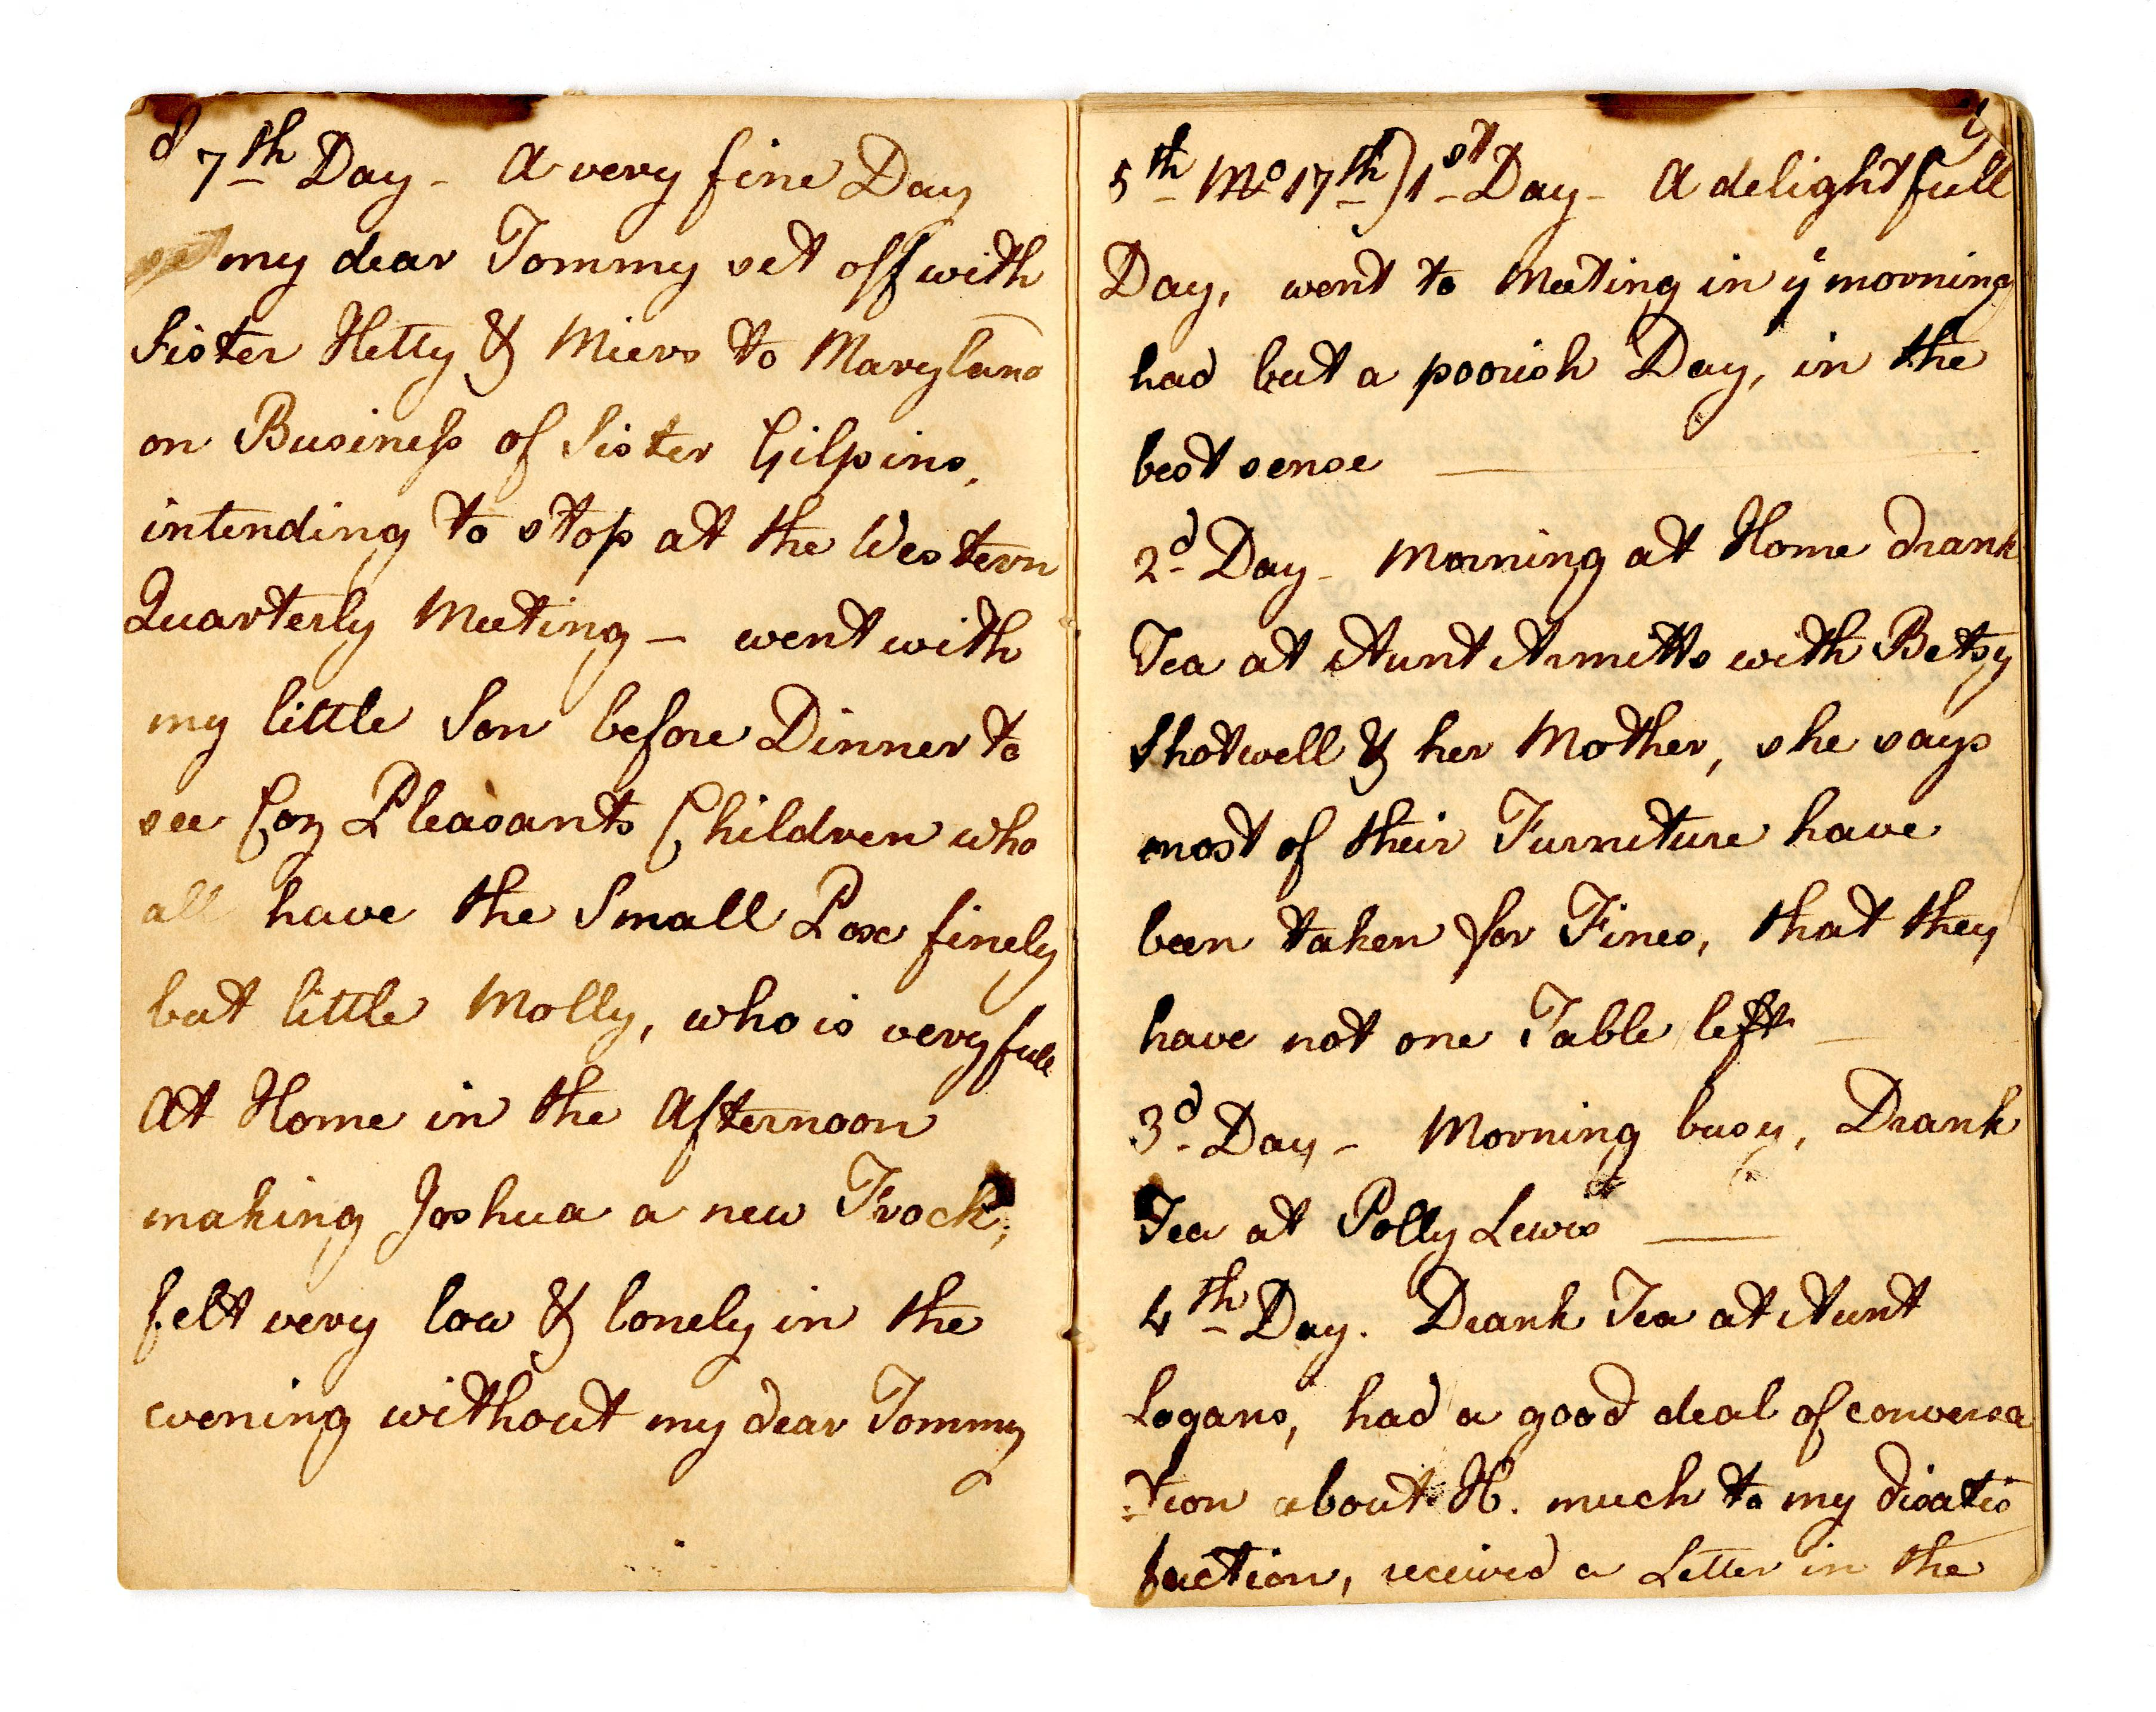8
7^th Day- A very fine Day
my dear Tommy set off with
Sister Hetty & Miers to Maryland
on Business of Sister Gilpins,
intending to stop at the Western
Quarterly Meeting- went with
my little Son before Dinner to
see Coz Pleasants Children who
all have the Small Pox finely
but little Molly, who is very full
At Home in the Afternoon
making Joshua a new Frock,
felt very low & lonely in the
evening without my dear Tommy
9
5^th M^o 17^th) 1^st Day- A delightfull
Day, went to Meeting in y^e morning
had but a poorish Day, in the
best sense-
2^d Day- Morning at Home drank
Tea at Aunt Armitts with Betsy
Shotwell & her Mother, she says
most of their Furniture have
been taken for Fines, that they
have not one Table left
3^d. Day- Morning busy, Drank
Tea at Polly Lewis-
4^th Day. Drank Tea at Aunt
Logans, had a good deal of conversa
-tion about H. much to my disatis
faction, received a Letter in the